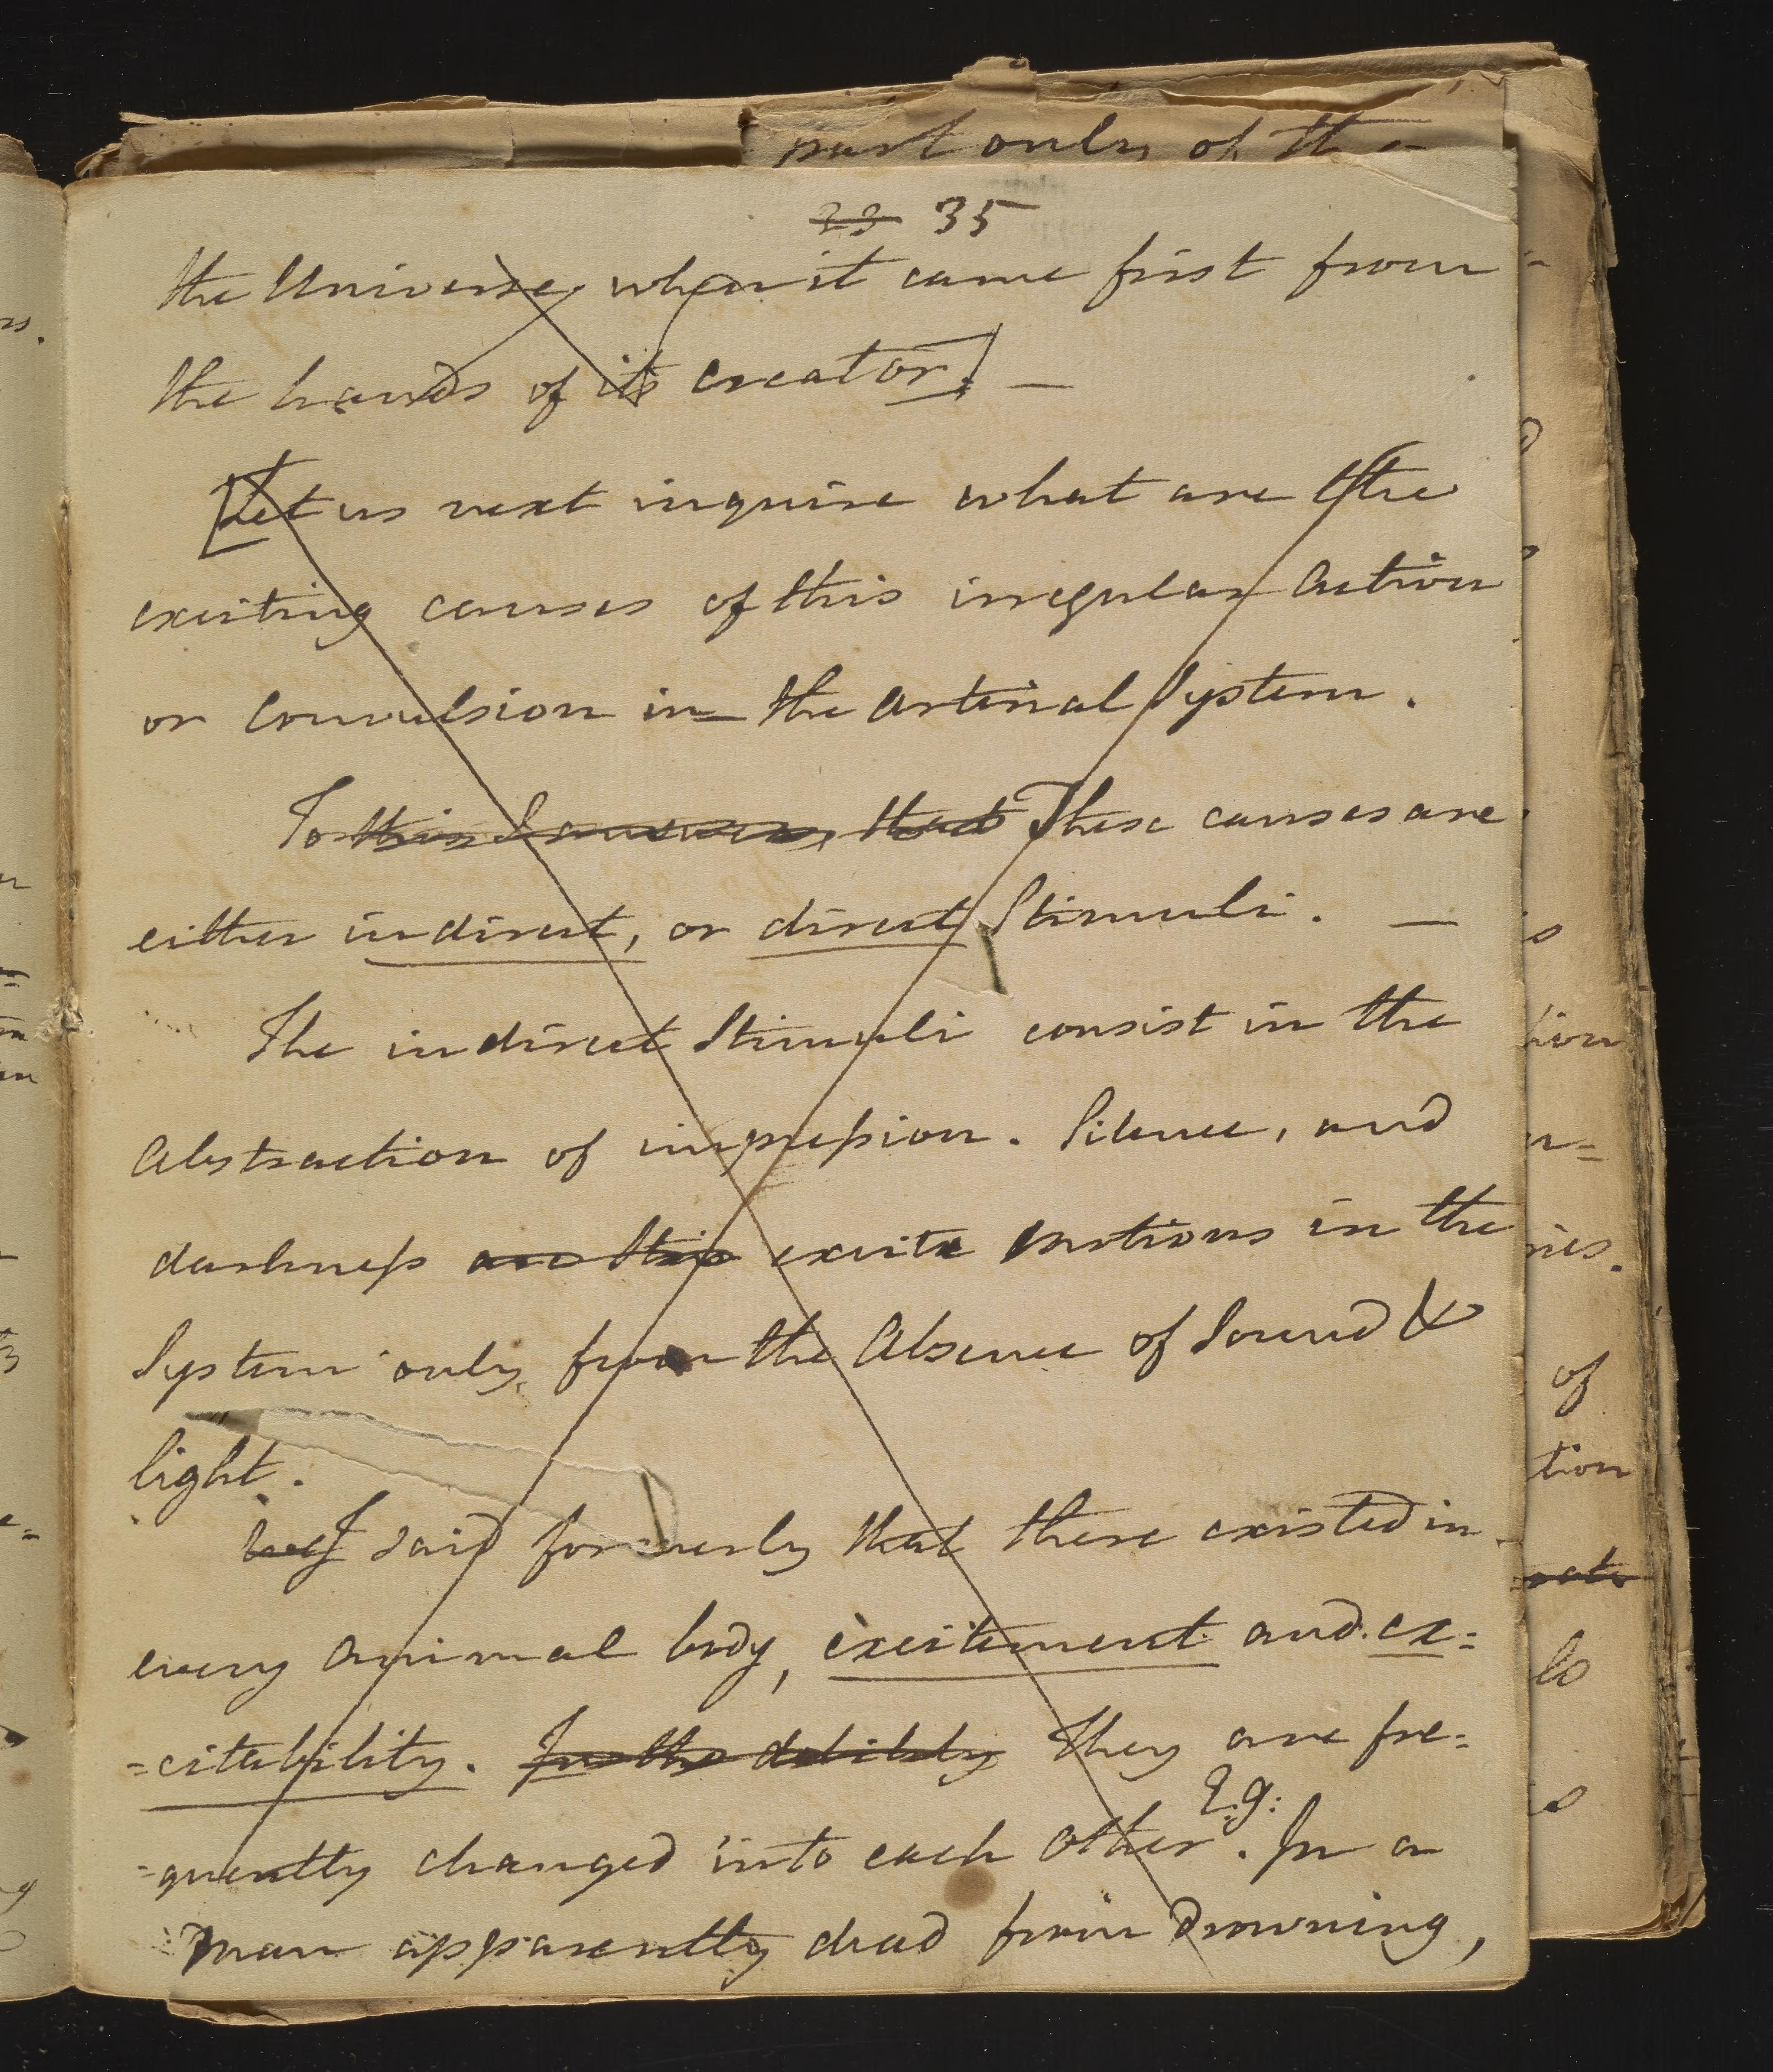35
the universe when it came first from
the hands of its creator.)
(Let us next inquire what are the
exciting causes of this irregular action
or convulsion in the arterial system
To [this I answer that] These causes are
either indirect, or direct stimuli.
The indirect Stimuli consist in the
Abstraction of impression. Silence, and
darkness [are stir] excite motions in the
System only from the Absence of Sound &
light.
I said formerly that there existed in
every animal body, excitement and ex-
-citability. [In the debility] They are fre-
Eg:
-quently changed into each other. In a
man apparently dead from drowning,